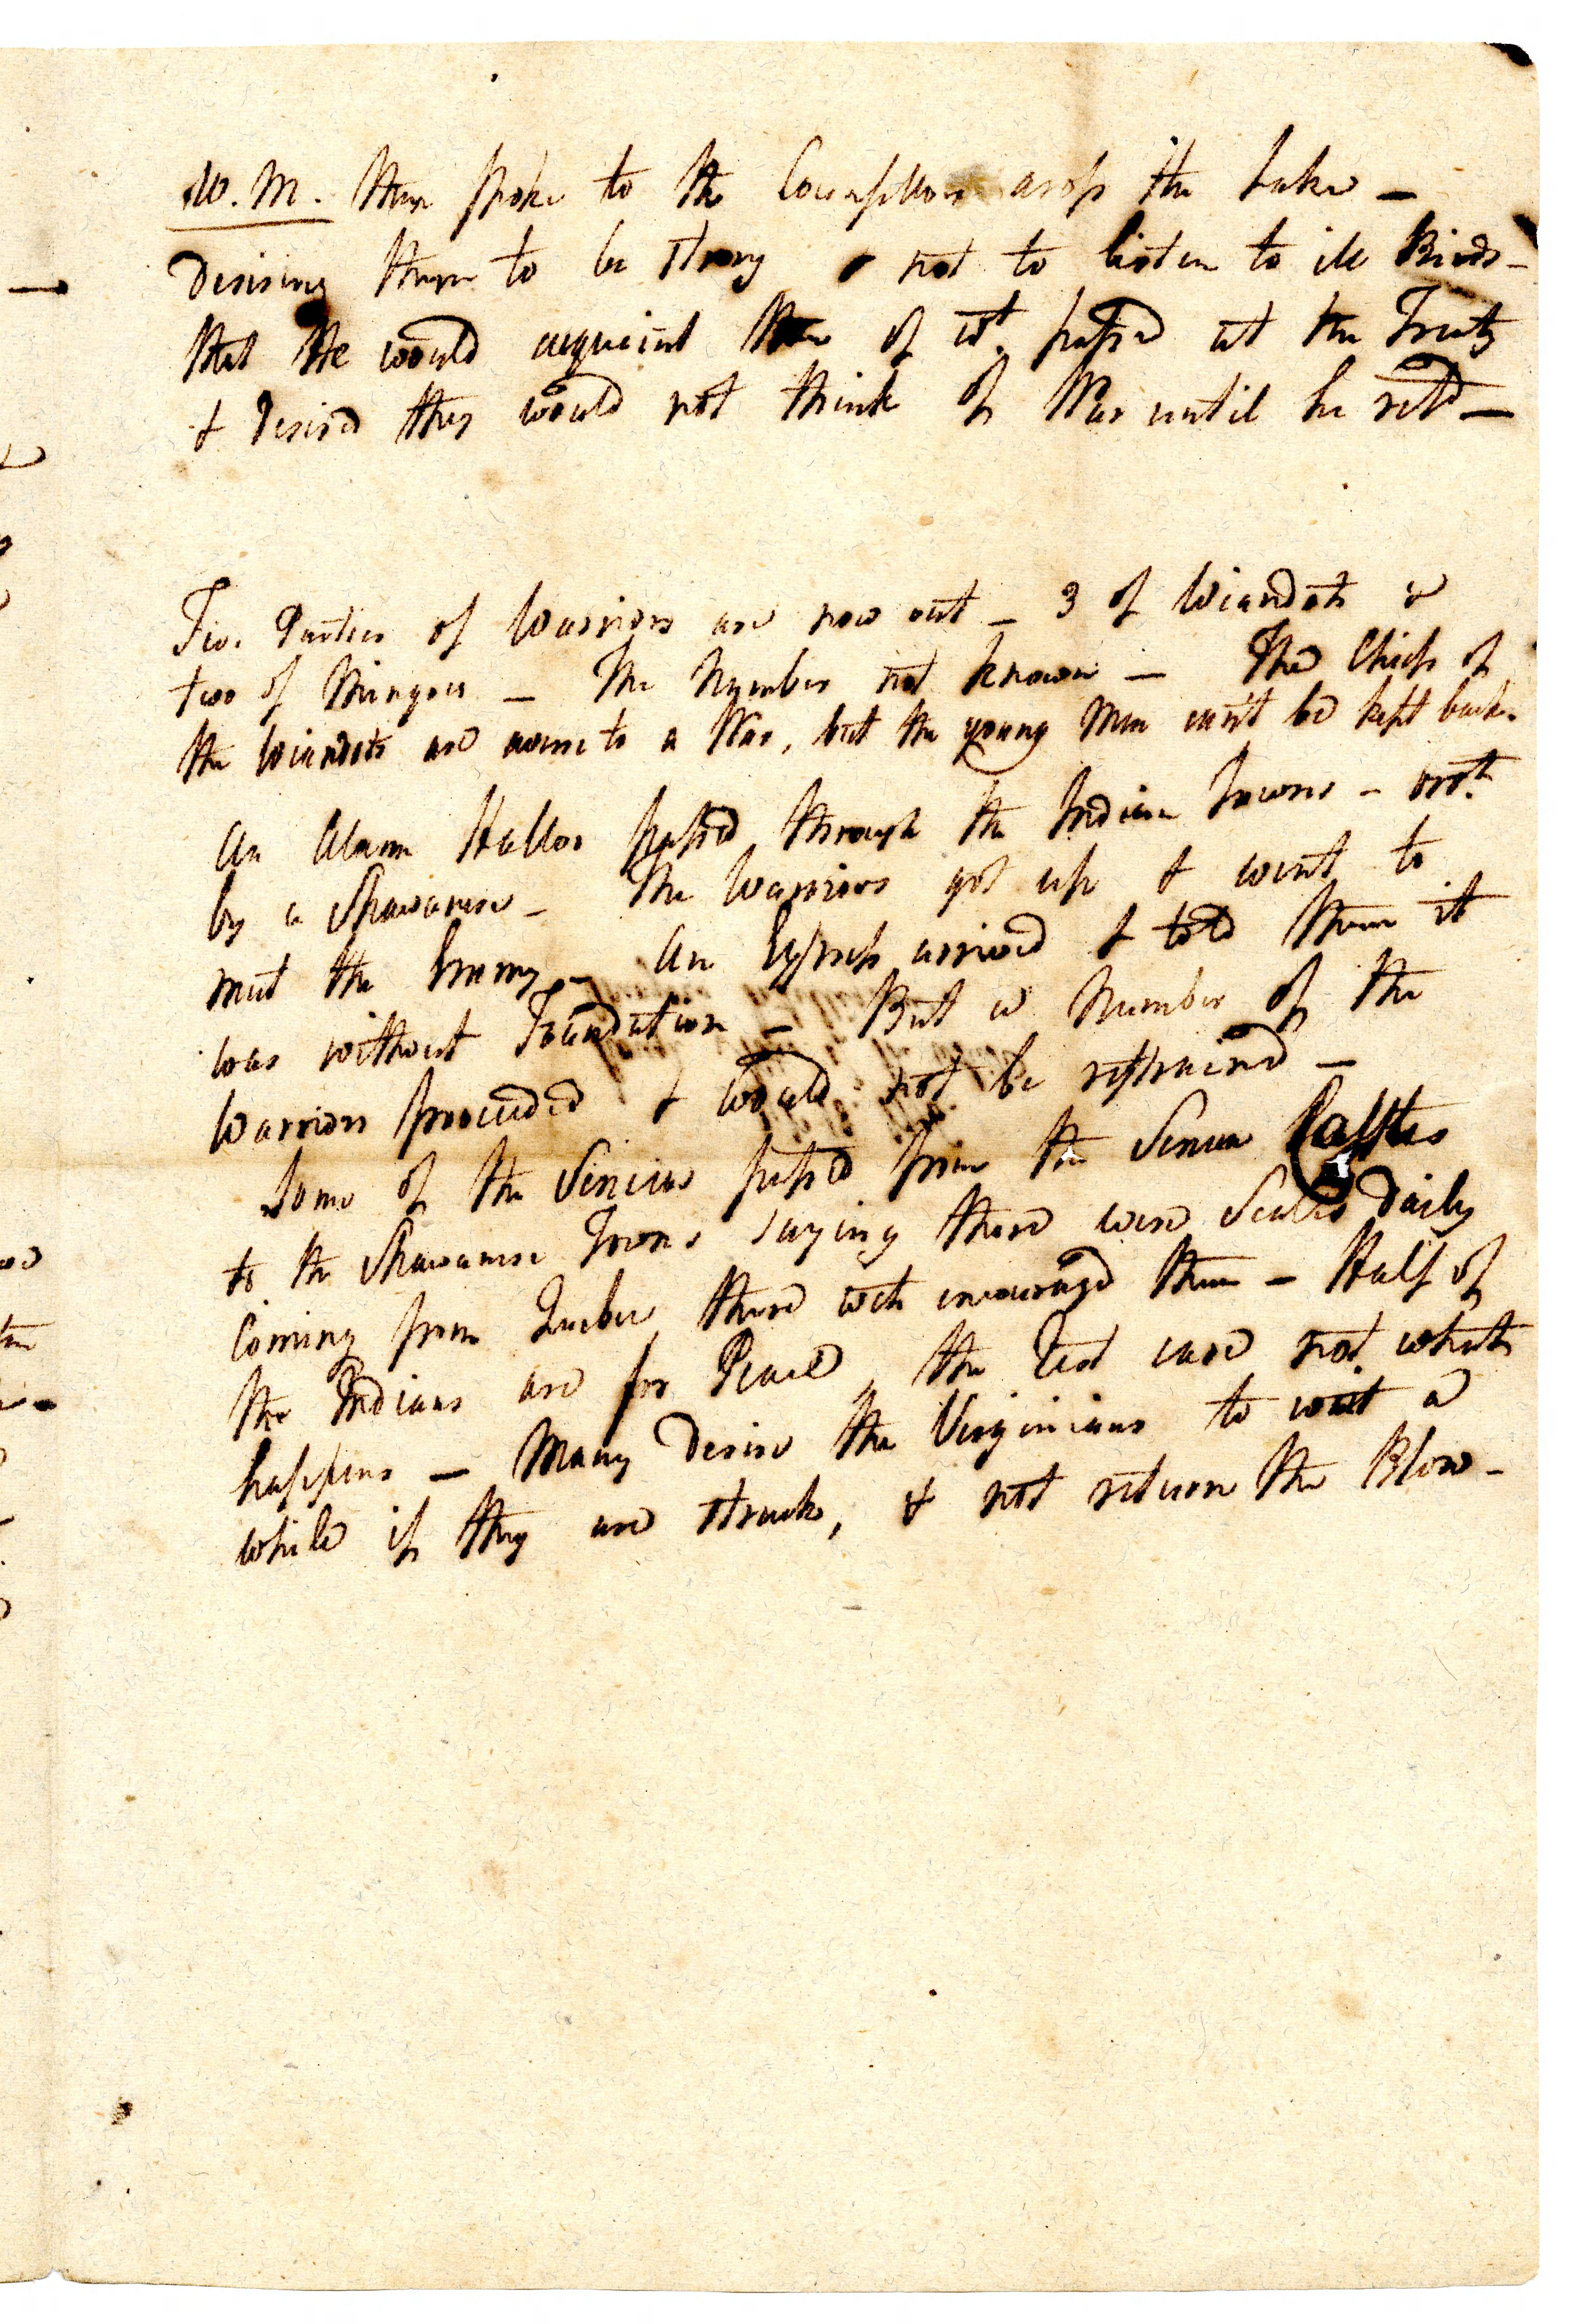W. M. then spoke to the Counsellor across the Lake-
desiring them to be strong & not to listen to ill Birds-
that He would acquaint them of w^t passed at the Treaty
& desired they would not think of War until he ret^d-
Five Parties of Warriors are now out- 3 of Wiandots &
two of Mingoes- The Numbers not known- The Chiefs of
the Wiandots are averse to a War, but the young men can't be kept back.
An Alarm Halloo passed through the Indian Towns - orr^t
by a Shawanese- The Warriors got up & went to
meet the Enemy.- An Eyness arrived & told them it
was without Foundation- But a Number of the
warriors proceeded & would not be restrained-
Some of the Senecas passed from the Seneca Castles
to the Shawanese Towns saying there were Scalps daily
coming from Quebec there wch encourag'd them- Half of
the Indians are for Peace, the rest care not what
happens- Many desire the Virginians to wait a
while if they are struck, & not return the Blow-